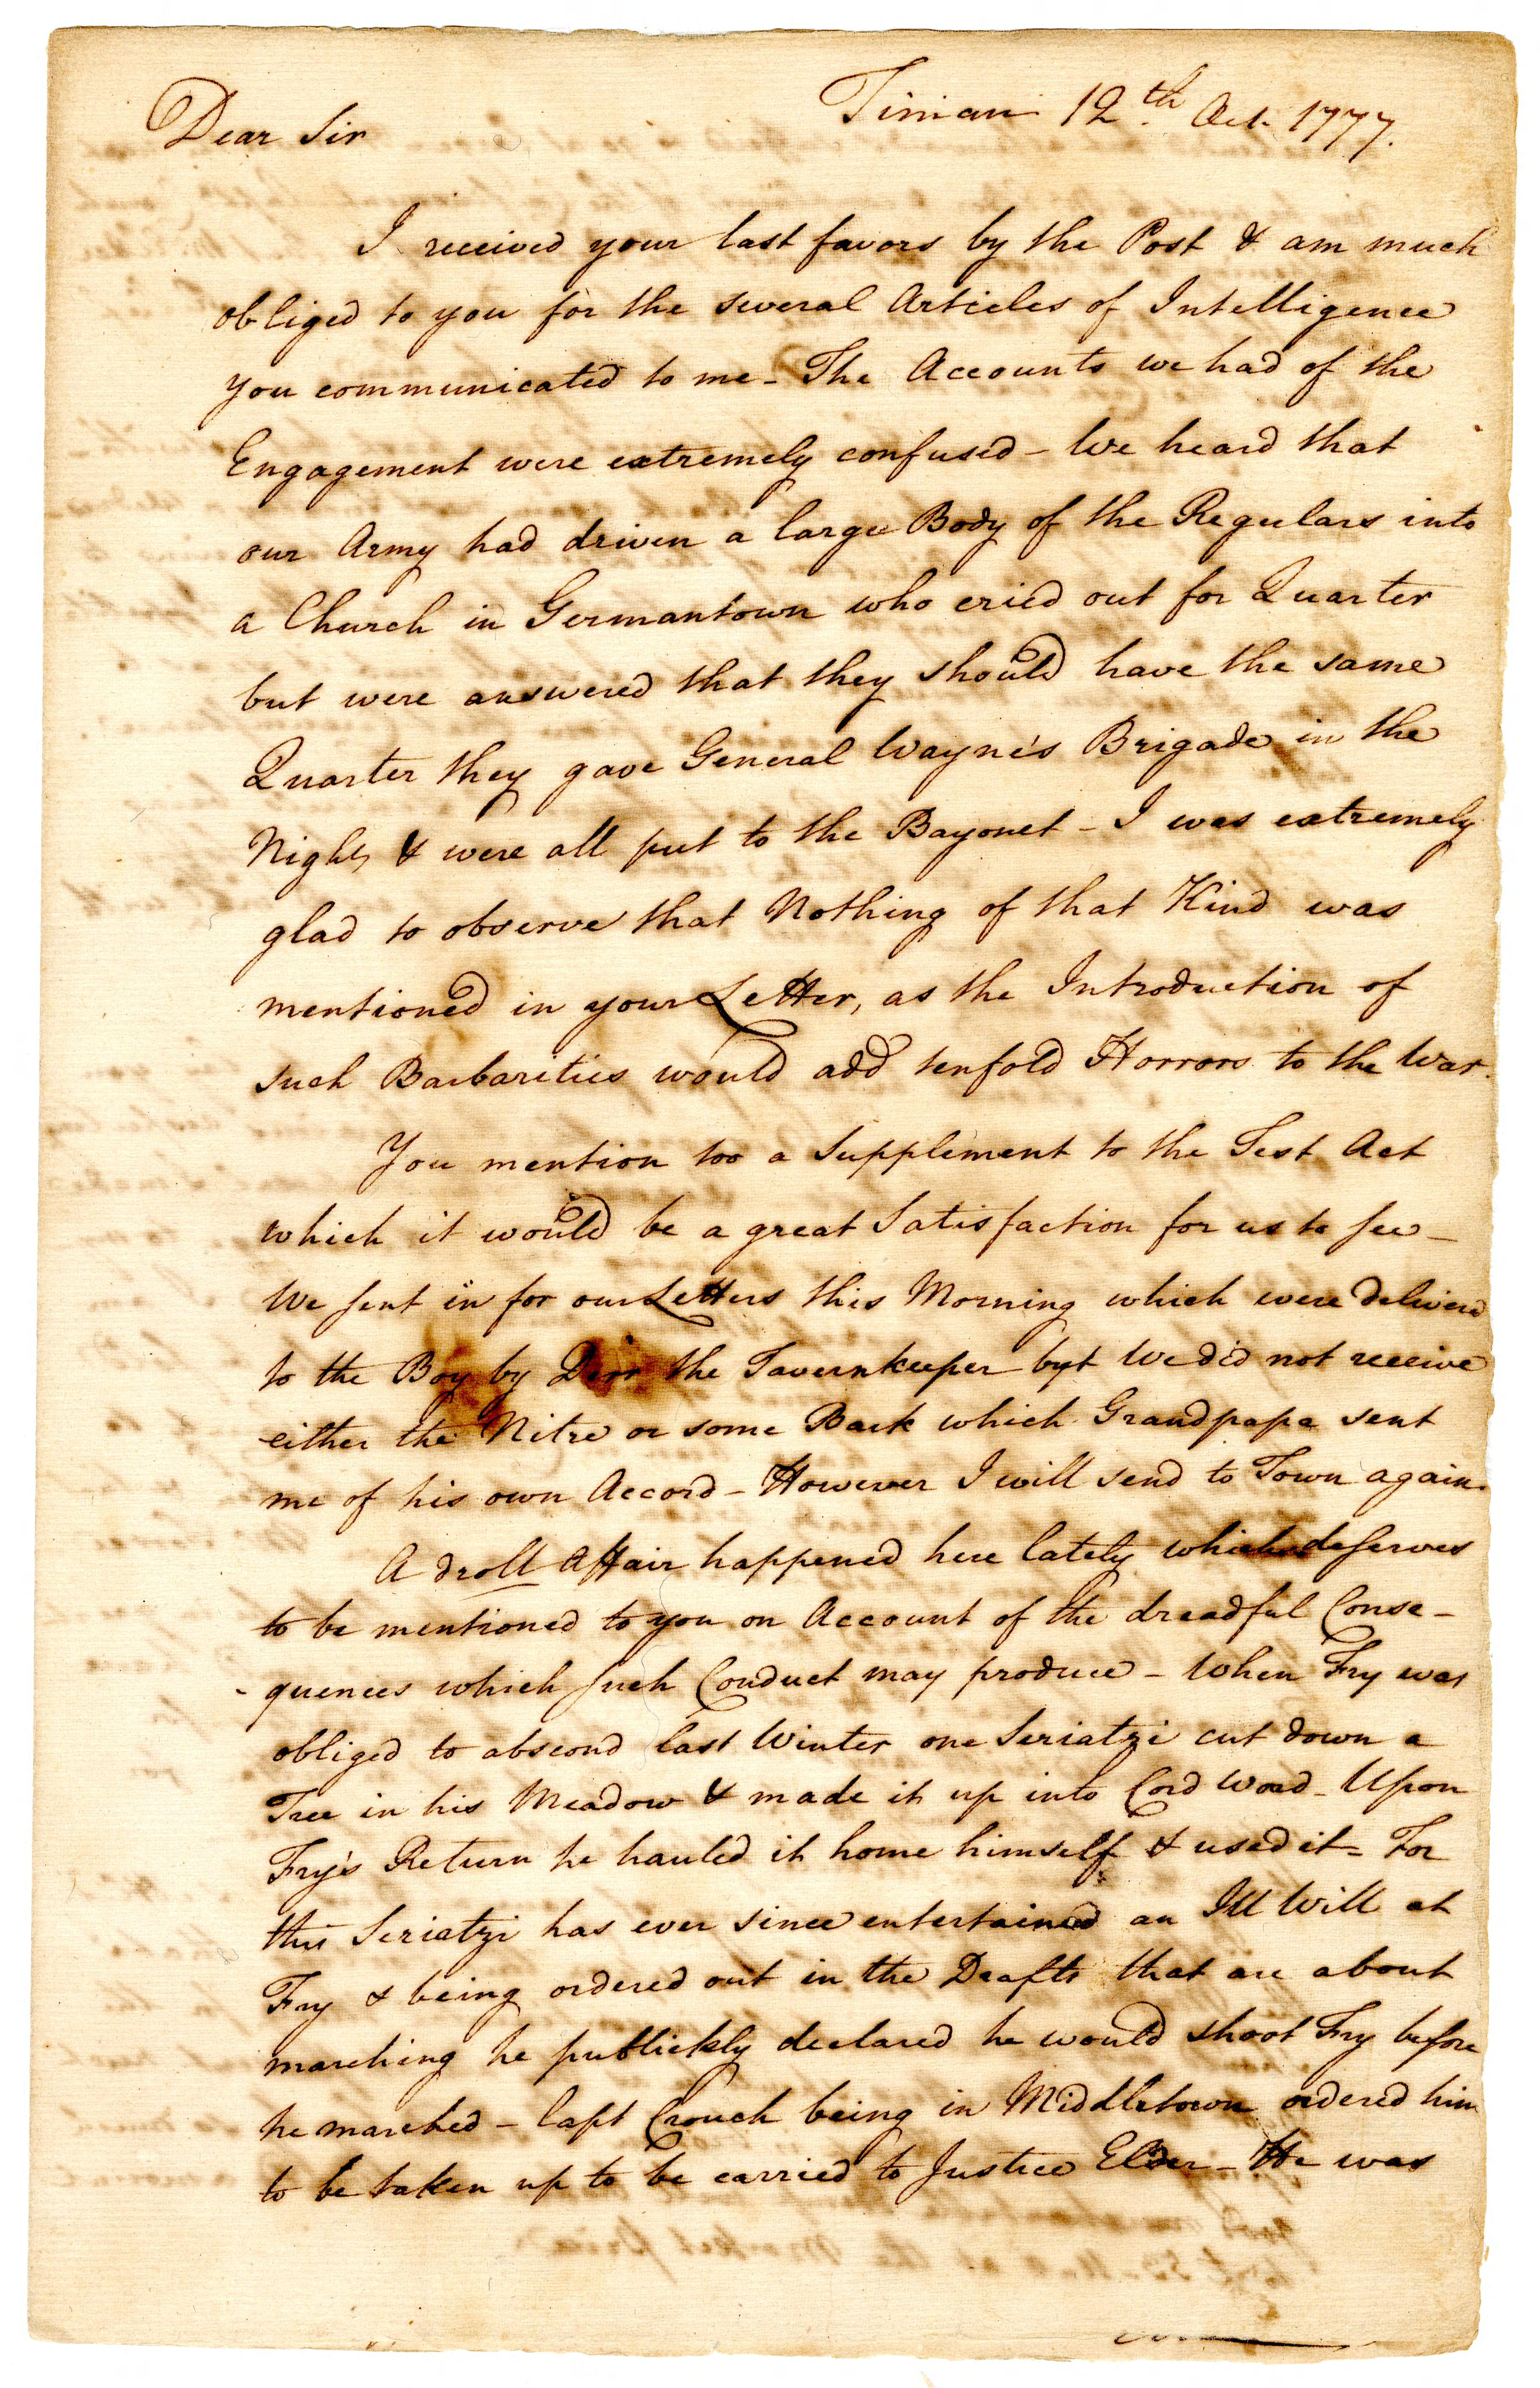Tinian 12^th. Oct. 1777.
Dear Sir
I received your last favors by the Post & am much
obliged to you for the several Articles of Intelligence
you communicated to me- The Accounts we had of the
Engagement were extremely confused- We heard that
our Army had driven a large Body of the Regulars into
a Church in Germantown who cried out for Quarter
but were answered that they should have the same
Quarter they gave General Wayne's Brigade in the
Night & were all put to the Bayonet- I was extremely
glad to observe that Nothing of that Kind was
mentioned in your Letter, as the Introduction of
such Barbarities would add tenfold Horrors to the War.
You mention too a Supplement to the Test Act
which it would be a great Satisfaction for us to see-
We sent in for our Letters this Morning which were delivered
to the Boy by Dir the Tavernkeeper but We did not receive
either the Nitre or some Bark which Grandpapa sent
me of his own Accord- However I will send to Town again.
A droll affair happened here lately which deserves
to be mentioned to you on Account of the dreadful Conse-
-quences which such Conduct may produce- when Fry was
obliged to abscond last Winter one Seriatze cut down a
Tree in his Meadow & made it up into Cord wood- Upon
Fry's Return he hauled it home himself & used it- For
this Seriatze has ever since entertained an Ill Will at
Fry & being ordered out in the Drafts that are about
marching he publickly declared he would shoot Fry before
he marched- Capt Crouch being in Middletown ordered him
to be taken up to be carried to Justice Elder- He was